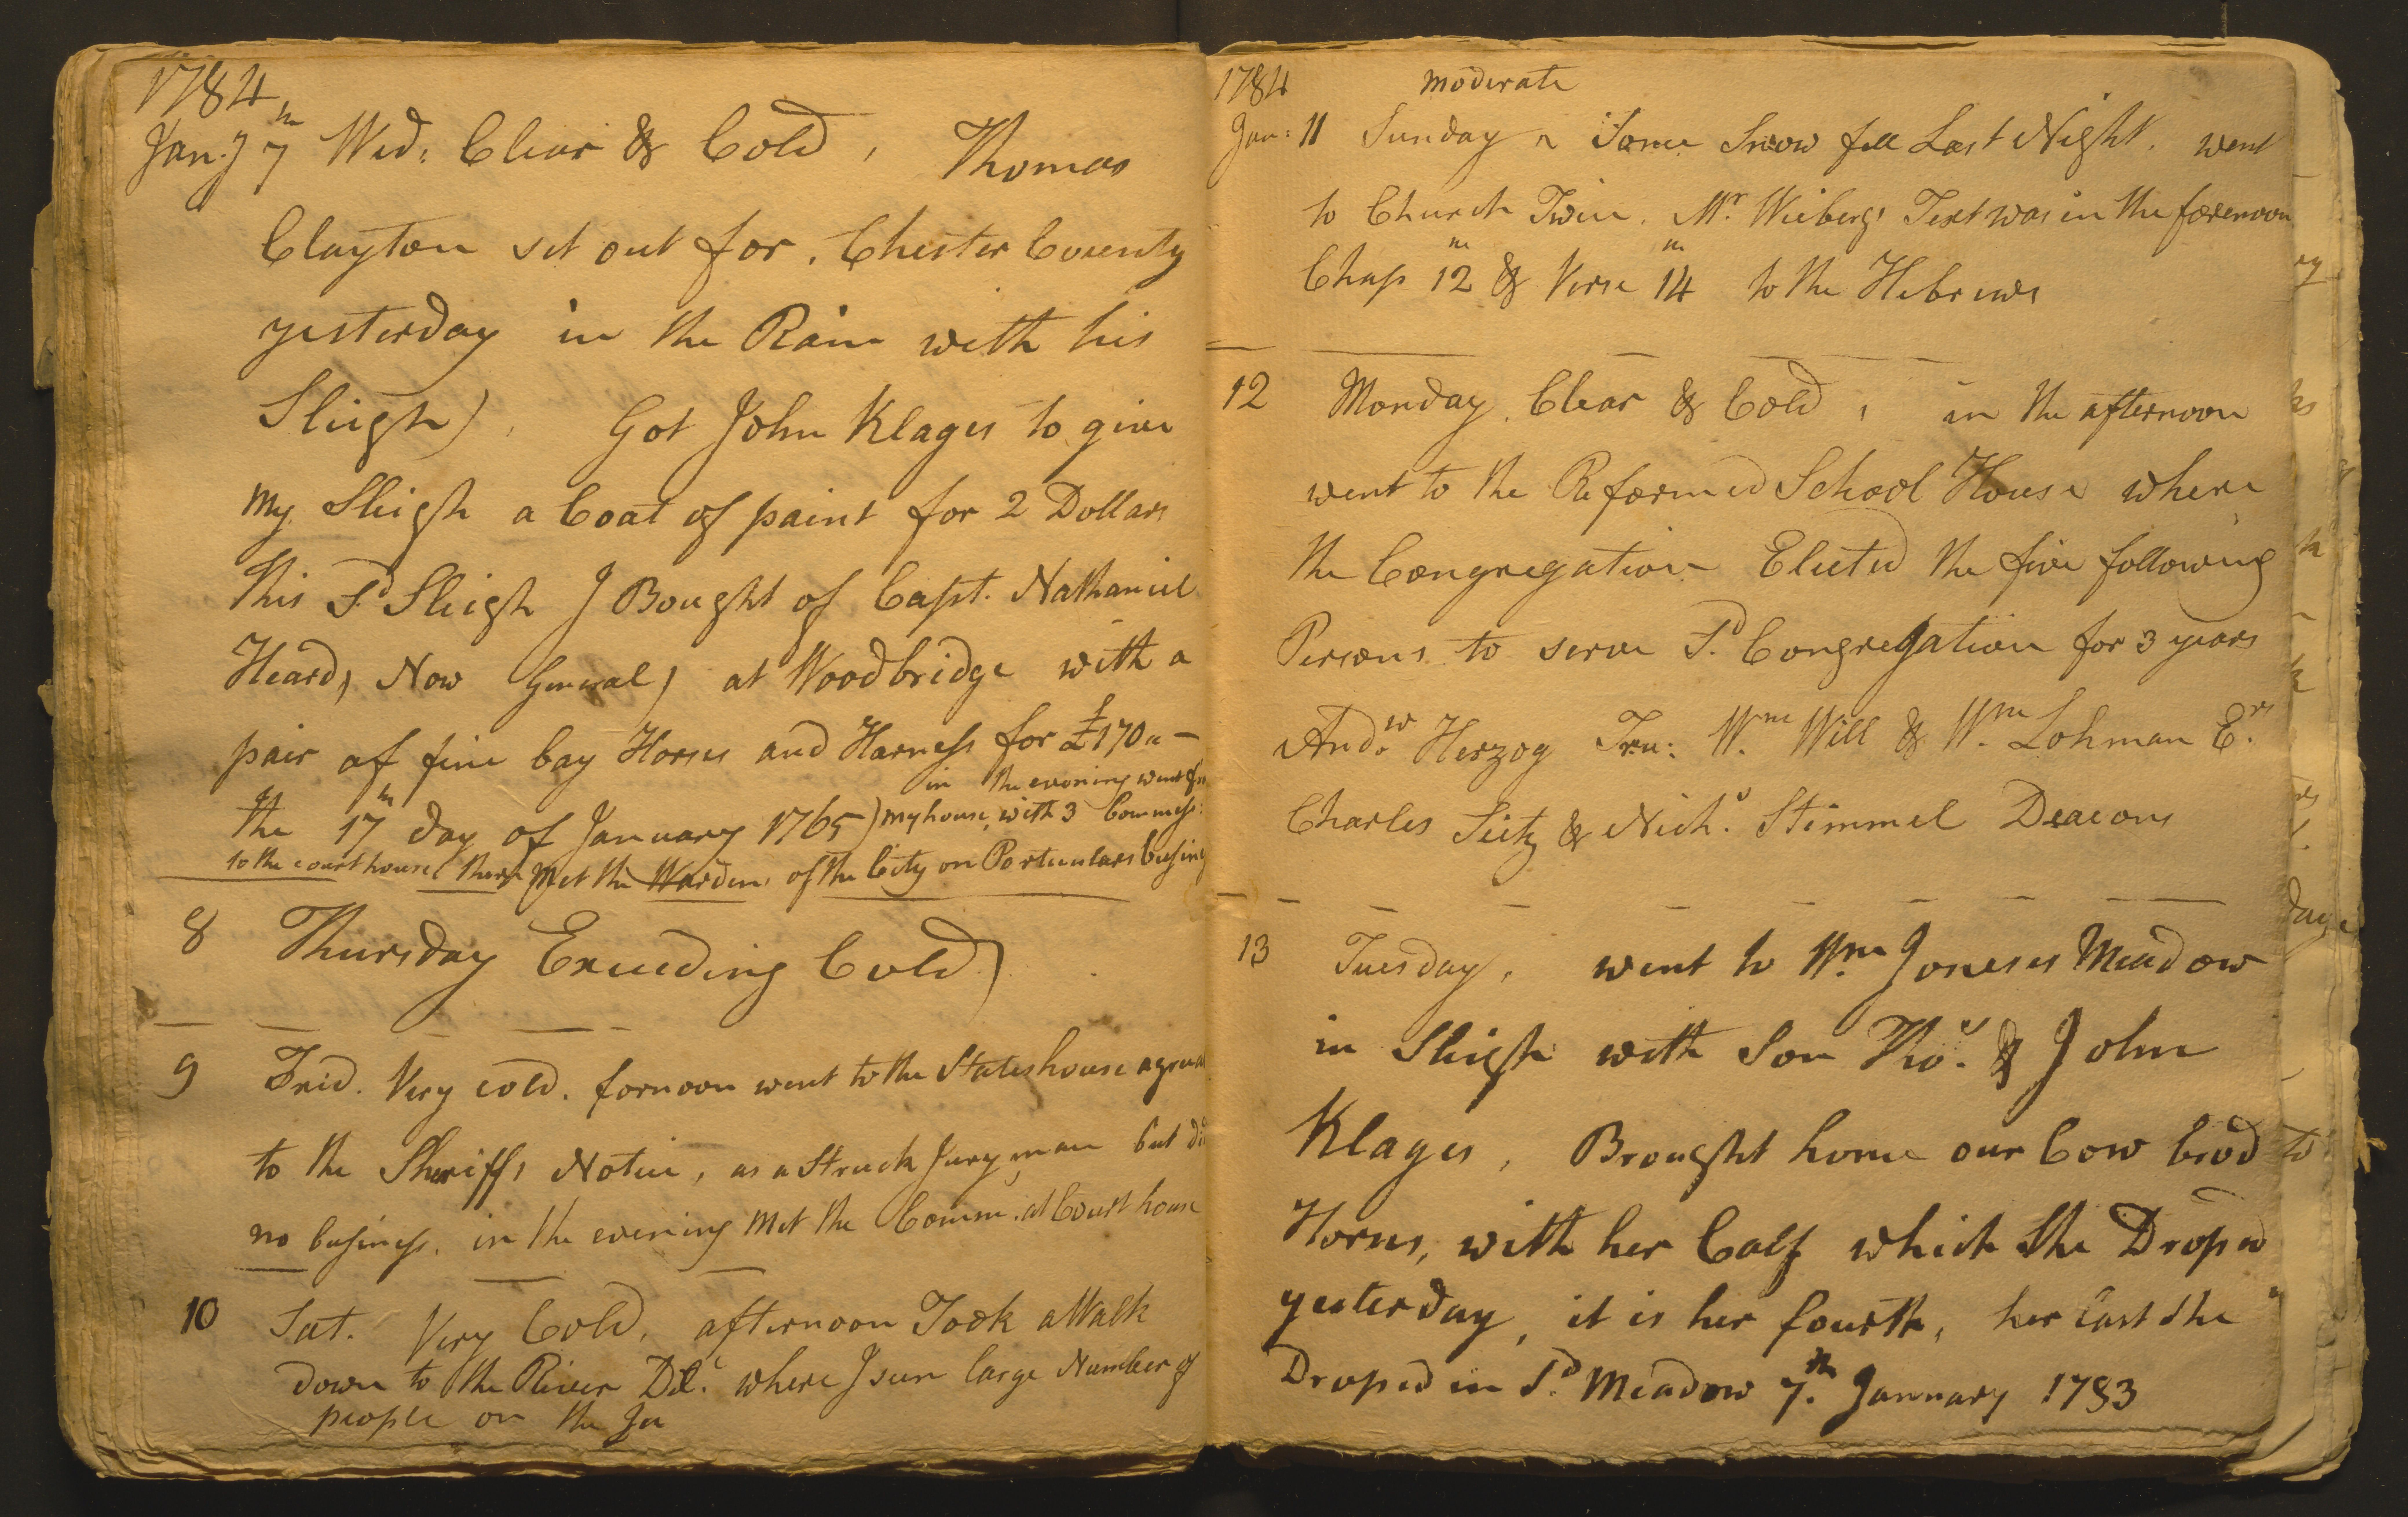1784
Jan^y. 7 Wed. Clear & Cold, Thomas
Clayton set out for Chester County
yesterday in the Rain with his
Sleigh) Got John Klages to give
My Sleigh a Coat of paint for 2 Dollars
This S^d. Sleigh I Bought of Capt. Nathaniel
Heard, Now General) at Woodbridge with a
pair of fine bay Horses and Harness for £170.-
the 17^th day of January 1765
Sin the evening went for
my house with 3 Commiss:
to the courthouse there Met the Wardens of the City on Particulars business
8 Thursday Exceeding Cold
9 Frid. Very cold. fornoon went to the Stateshouse agree
to the Sheriffs Notice, as a Struck Jury man but did
no business. in the evening Met the Comm. at Court house
10 Sat. Very Cold. afternoon Took a Walk
down to the River Del^e. where I seen large Number of
people on the Ice
1784
Moderate
Jan: 11 Sunday Some snow fell Last Night. went
to Church Twice, M^r. Weibergs Text was in the forenoon
Chap 12^th & Verse 14^th to the Hebrews
12 Monday Clear & Cold, in the afternoon
went to the Reformed School House where
the Congregation Elected the five following
Persons to serve s^d. Congregation for 3 years
And^w. Herzog Tru: W^m. Will & W^m. Lohman E^rs.
Charles Sietz & Nichs. Stimmel Deacons
13 Tuesday. went to W^m. Joneses Meadow
in Sleigh with Son Tho^s. & John
Klages, Brought home our Cow brod
Horns, with her Calf which she Droped
yesterday it is her fourth, her last she
Droped in S^d. Meadow 7^th. Jannary 1783